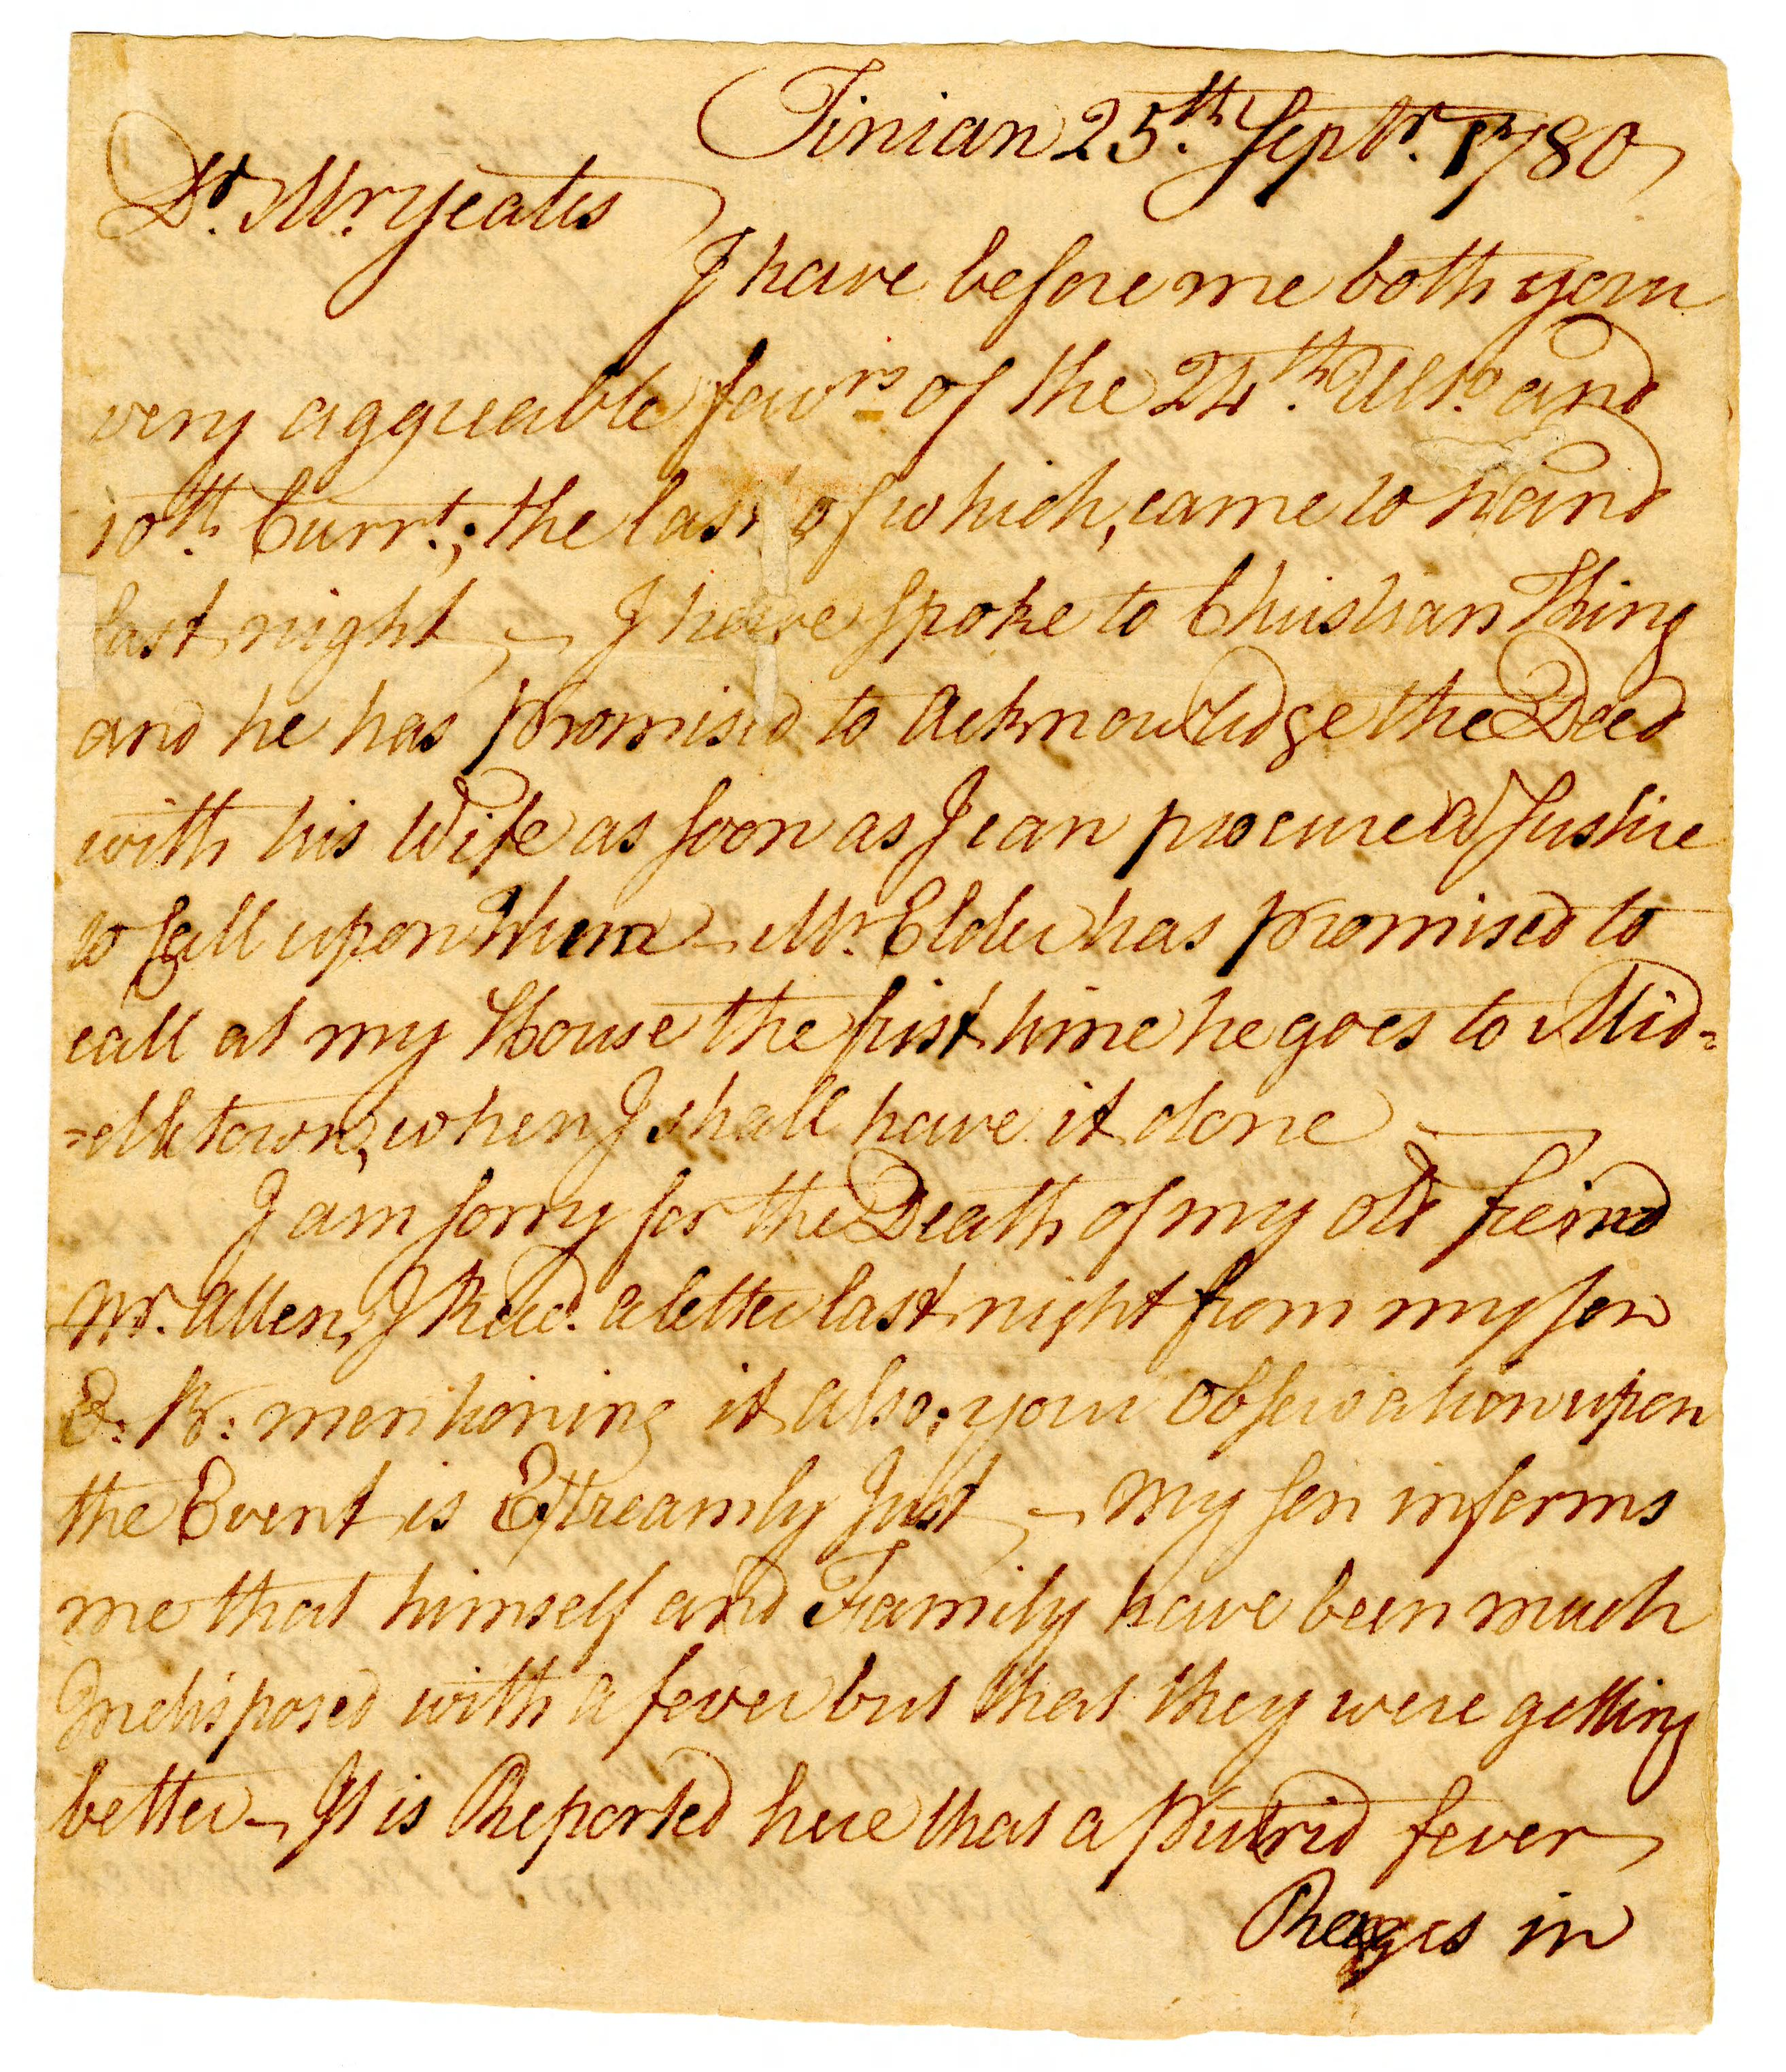Tinian 25^th. Sept^r. 1780
D^r. M^r Yeates
I have before me both your
very aggreable fav^r of the 24^th. Ult^o. and
10^th Curr^t; the last of which, came to hand
last night. I have spoke to Christian Ewing
and he has promised to Acknowledge the Deed
with his Wife as soon as I can procure a Justice
to call upon them. M^r. Cloter has promised to
call at my House the first time he goes to Mid-
-dletown, when I shall have it done
I am sorry for the Death of my old friend
M^r Allen, I Rec^d. a letter last night from my son
E: B: mentioning it also, your Observations upon
the Event is Extreamty Just. My Son informs
me that himself and Family have been much
Indisposed with a fever but that they were getting
better. It is Reported here that a Putrid fever
Rages in